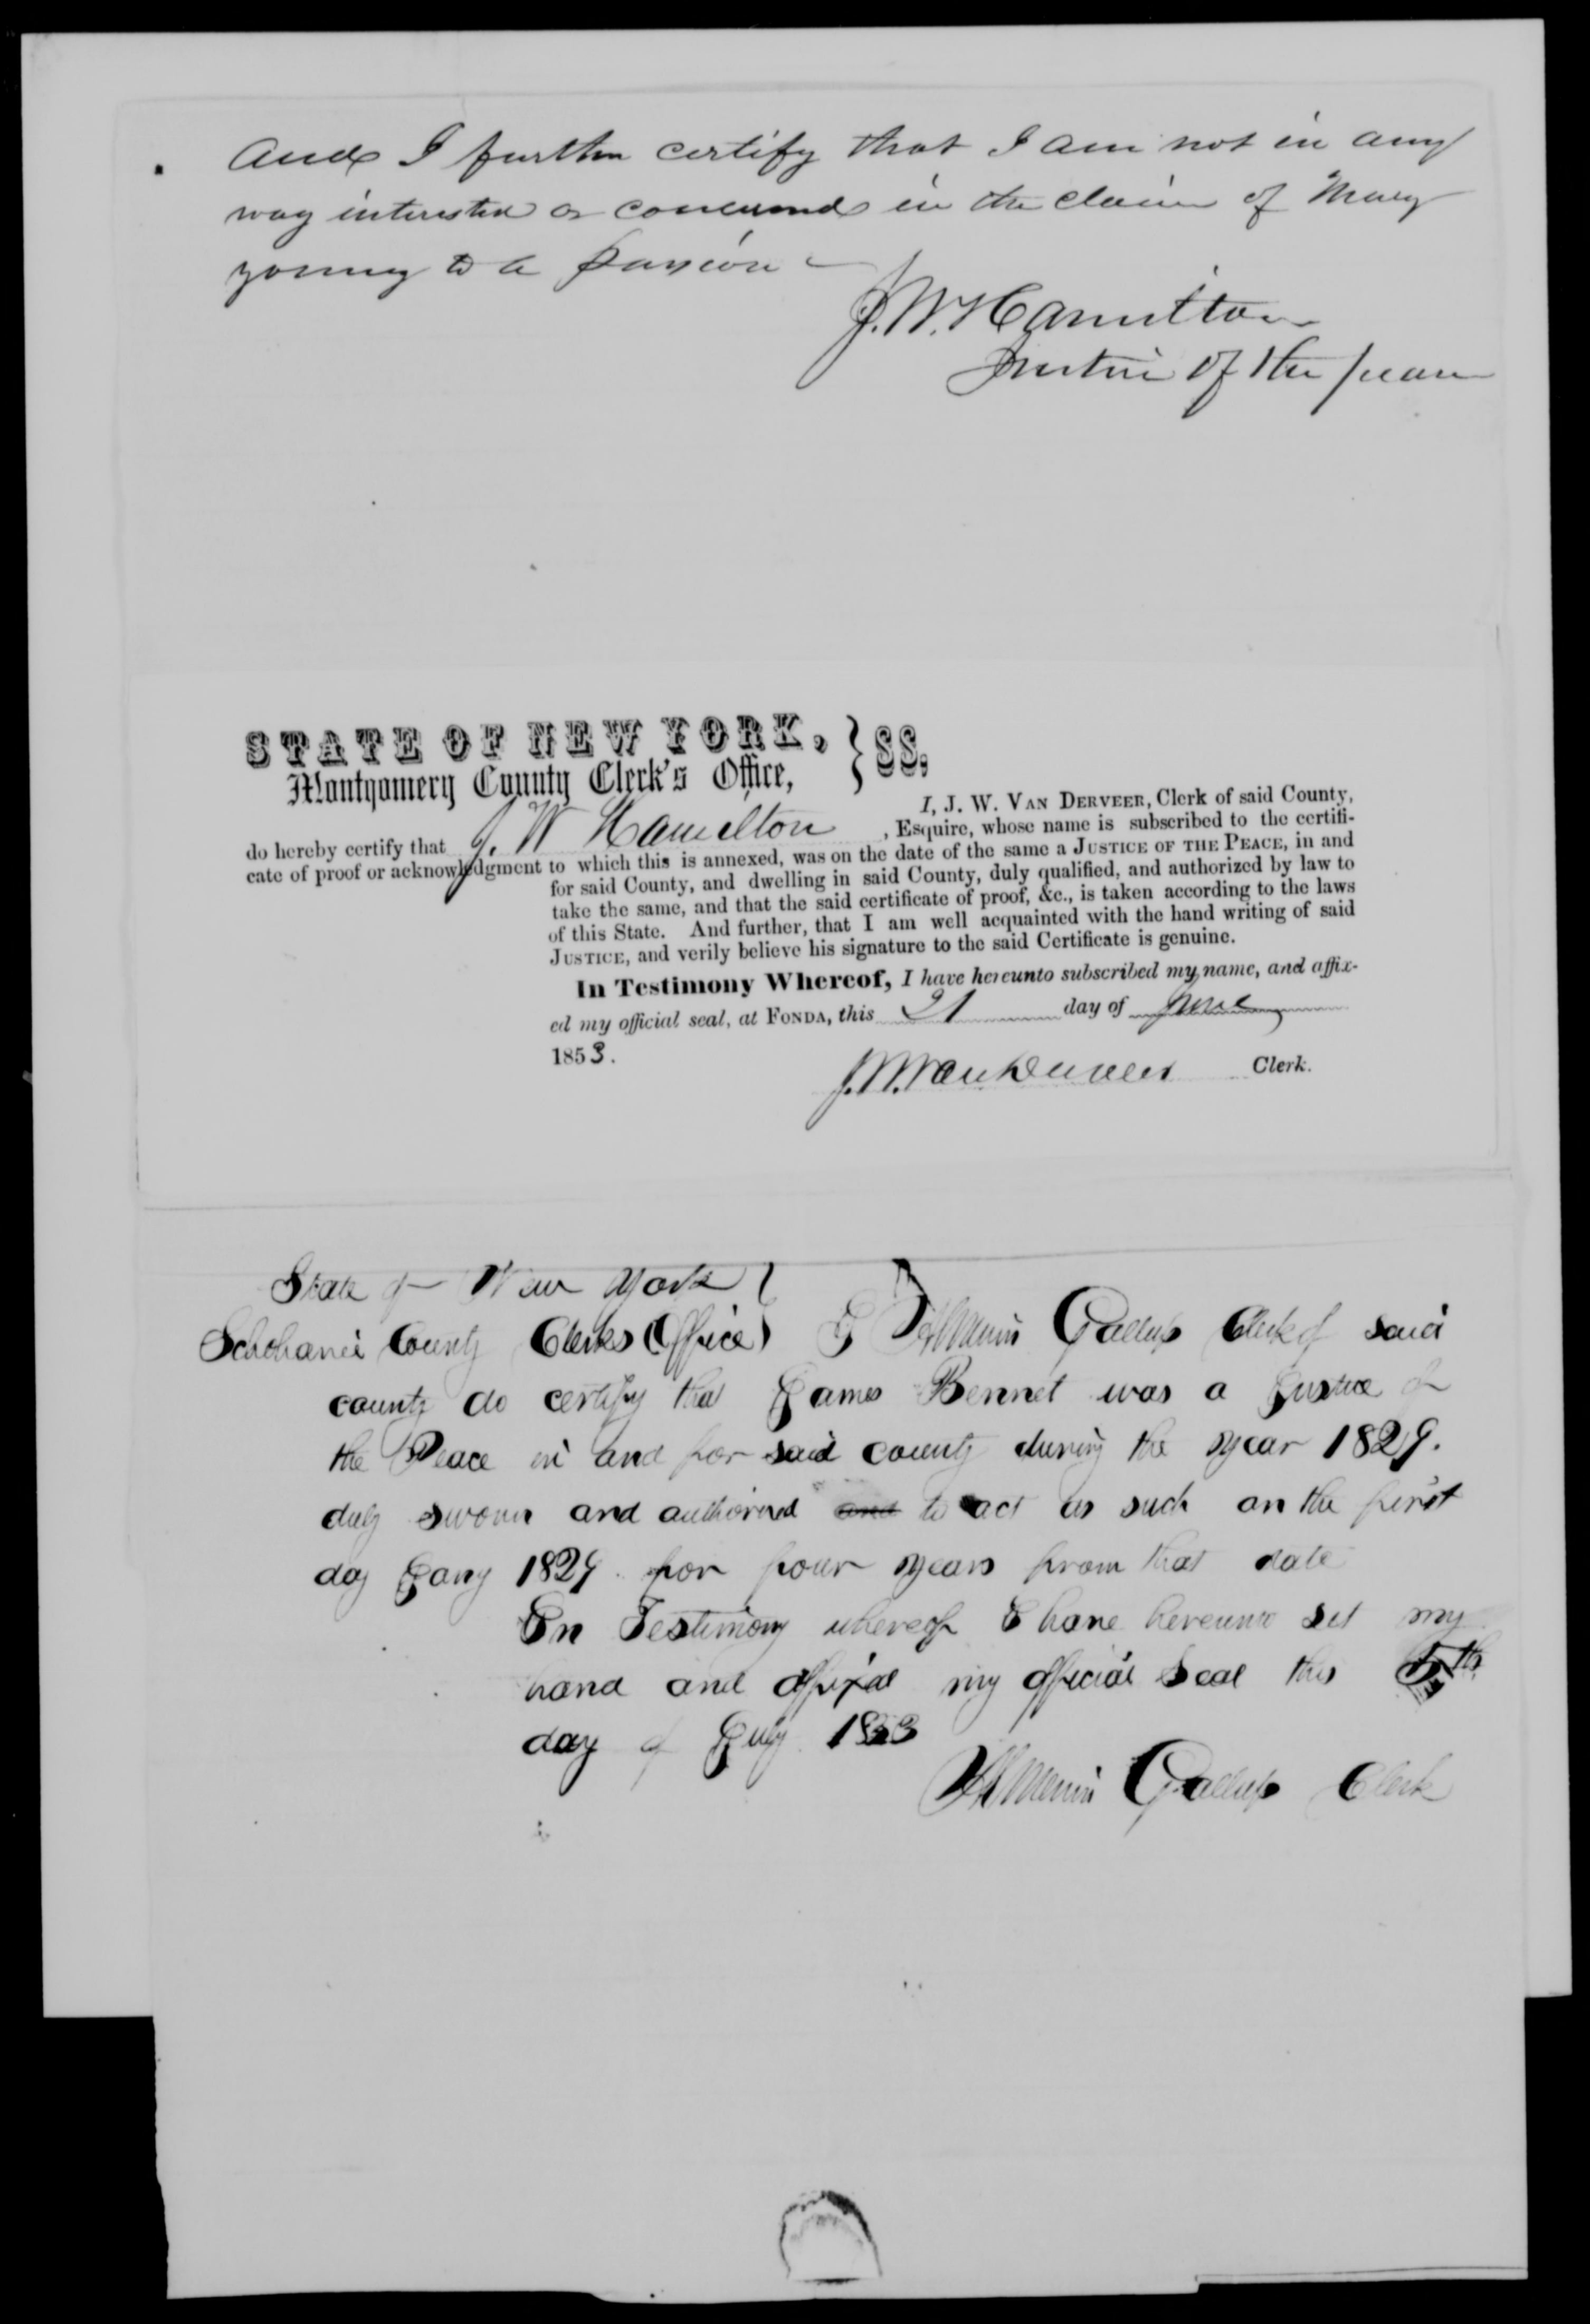State of New York, Montgomery County Clerk's Office, I, J.W. Van Cerveer, Clerk of said County do hereby certify that JW Hamilton, Esquire, whose name is subscribed to the certificate of proof or acknowledgement to which this is annexed, was on the date of the same a Justice of the Peace, in and for said County, and dwelling in said County, duly qualified, and authorized by law to take the same, and that the said certificate of proof, and is taken according to the laws of this State,  And further, that i am well acquainted with the hand writing of said Justice, and verily believe his signature to the said Certificate is genuine,
In Testimony Whereof, I have hereunto subscribed my name, and affixed my official seal, at Fonda this 21 day of June 1853
JW Van Derveer Clerk

State of New York
Schohani County Clerks Office 
Almerin Gallup clerk of said county do certify that James Bennet was a Justice of the Peace in and per said county during the year 1829,  duly sworn and authorized to act  as such on the first day 1829 for four years from that date
In Testimony whereof and  have hereunto set my hand and affixed my official seal this day of July 1833
Almerin Gallup Clerk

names: James Bennet, J W Hamilton, Almerin Gallup, J W Van Derveer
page: 18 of 67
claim: widow's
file: W. 7379, George Young, New Jersey